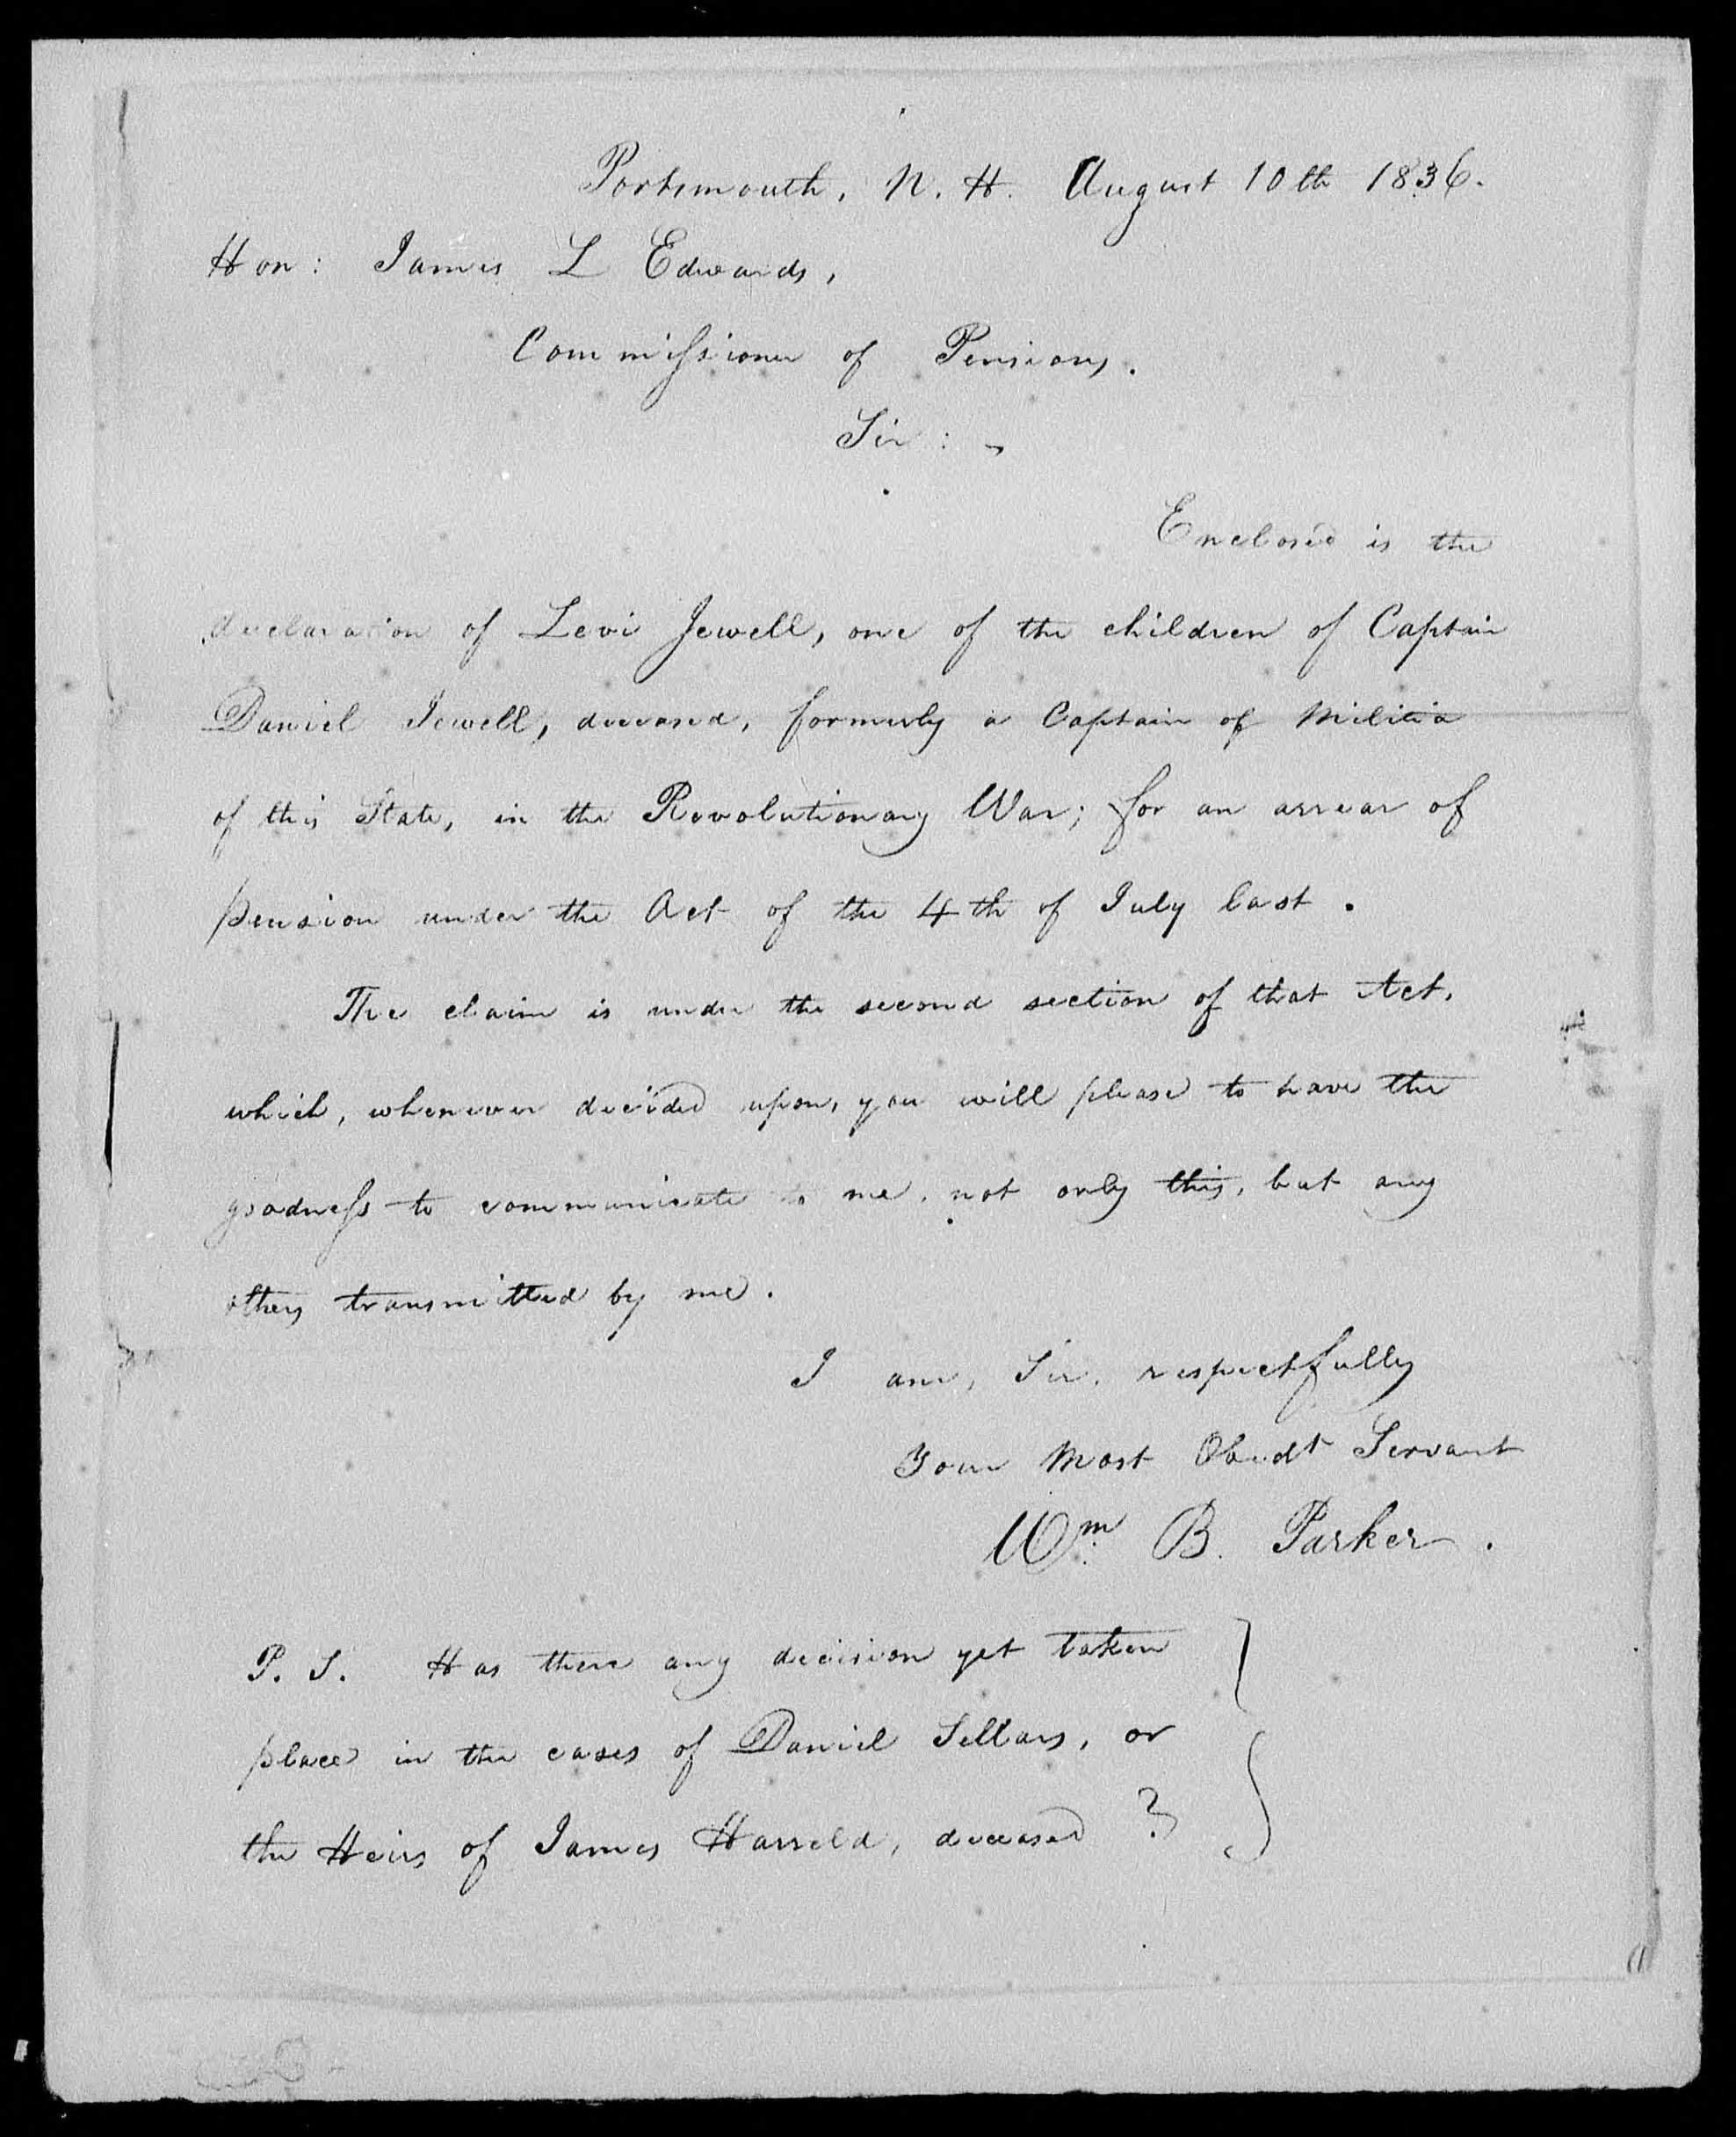Portsmouth, N.H. August 10th 1836.
Hon [HONORABLE]: James L Edwards,
Commissioner of Pensions
Sir:
Enclosed is the declaration of Levi Jewell, one of the children of Captain Daniel Jewell, deceased, formerly a Captain of Militia of this State, in the Revolutionary War; for an arrear of
pension under the act of the 4th of July last.
The claim is under the second section of that Act, which, whenever decided upon, you will please have the goodness to communicate to me, not only this, but any others
transmitted by me.

I am, Sir, respectfully Your most Obedient Servant
Wm [WILLIAM] B. Parker

P. S. Has there any decision yet taken
place in the cases of Daniel Sellars, or
the Heirs of James Harrold, deceased?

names: James Harrold; Levi Jewell; Daniel Jewell; Wm B Parker; James L Edwards; Daniel Sellars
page: 21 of 35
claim: survivor's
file: S. 10912, for Daniel Jewell, New Hampshire